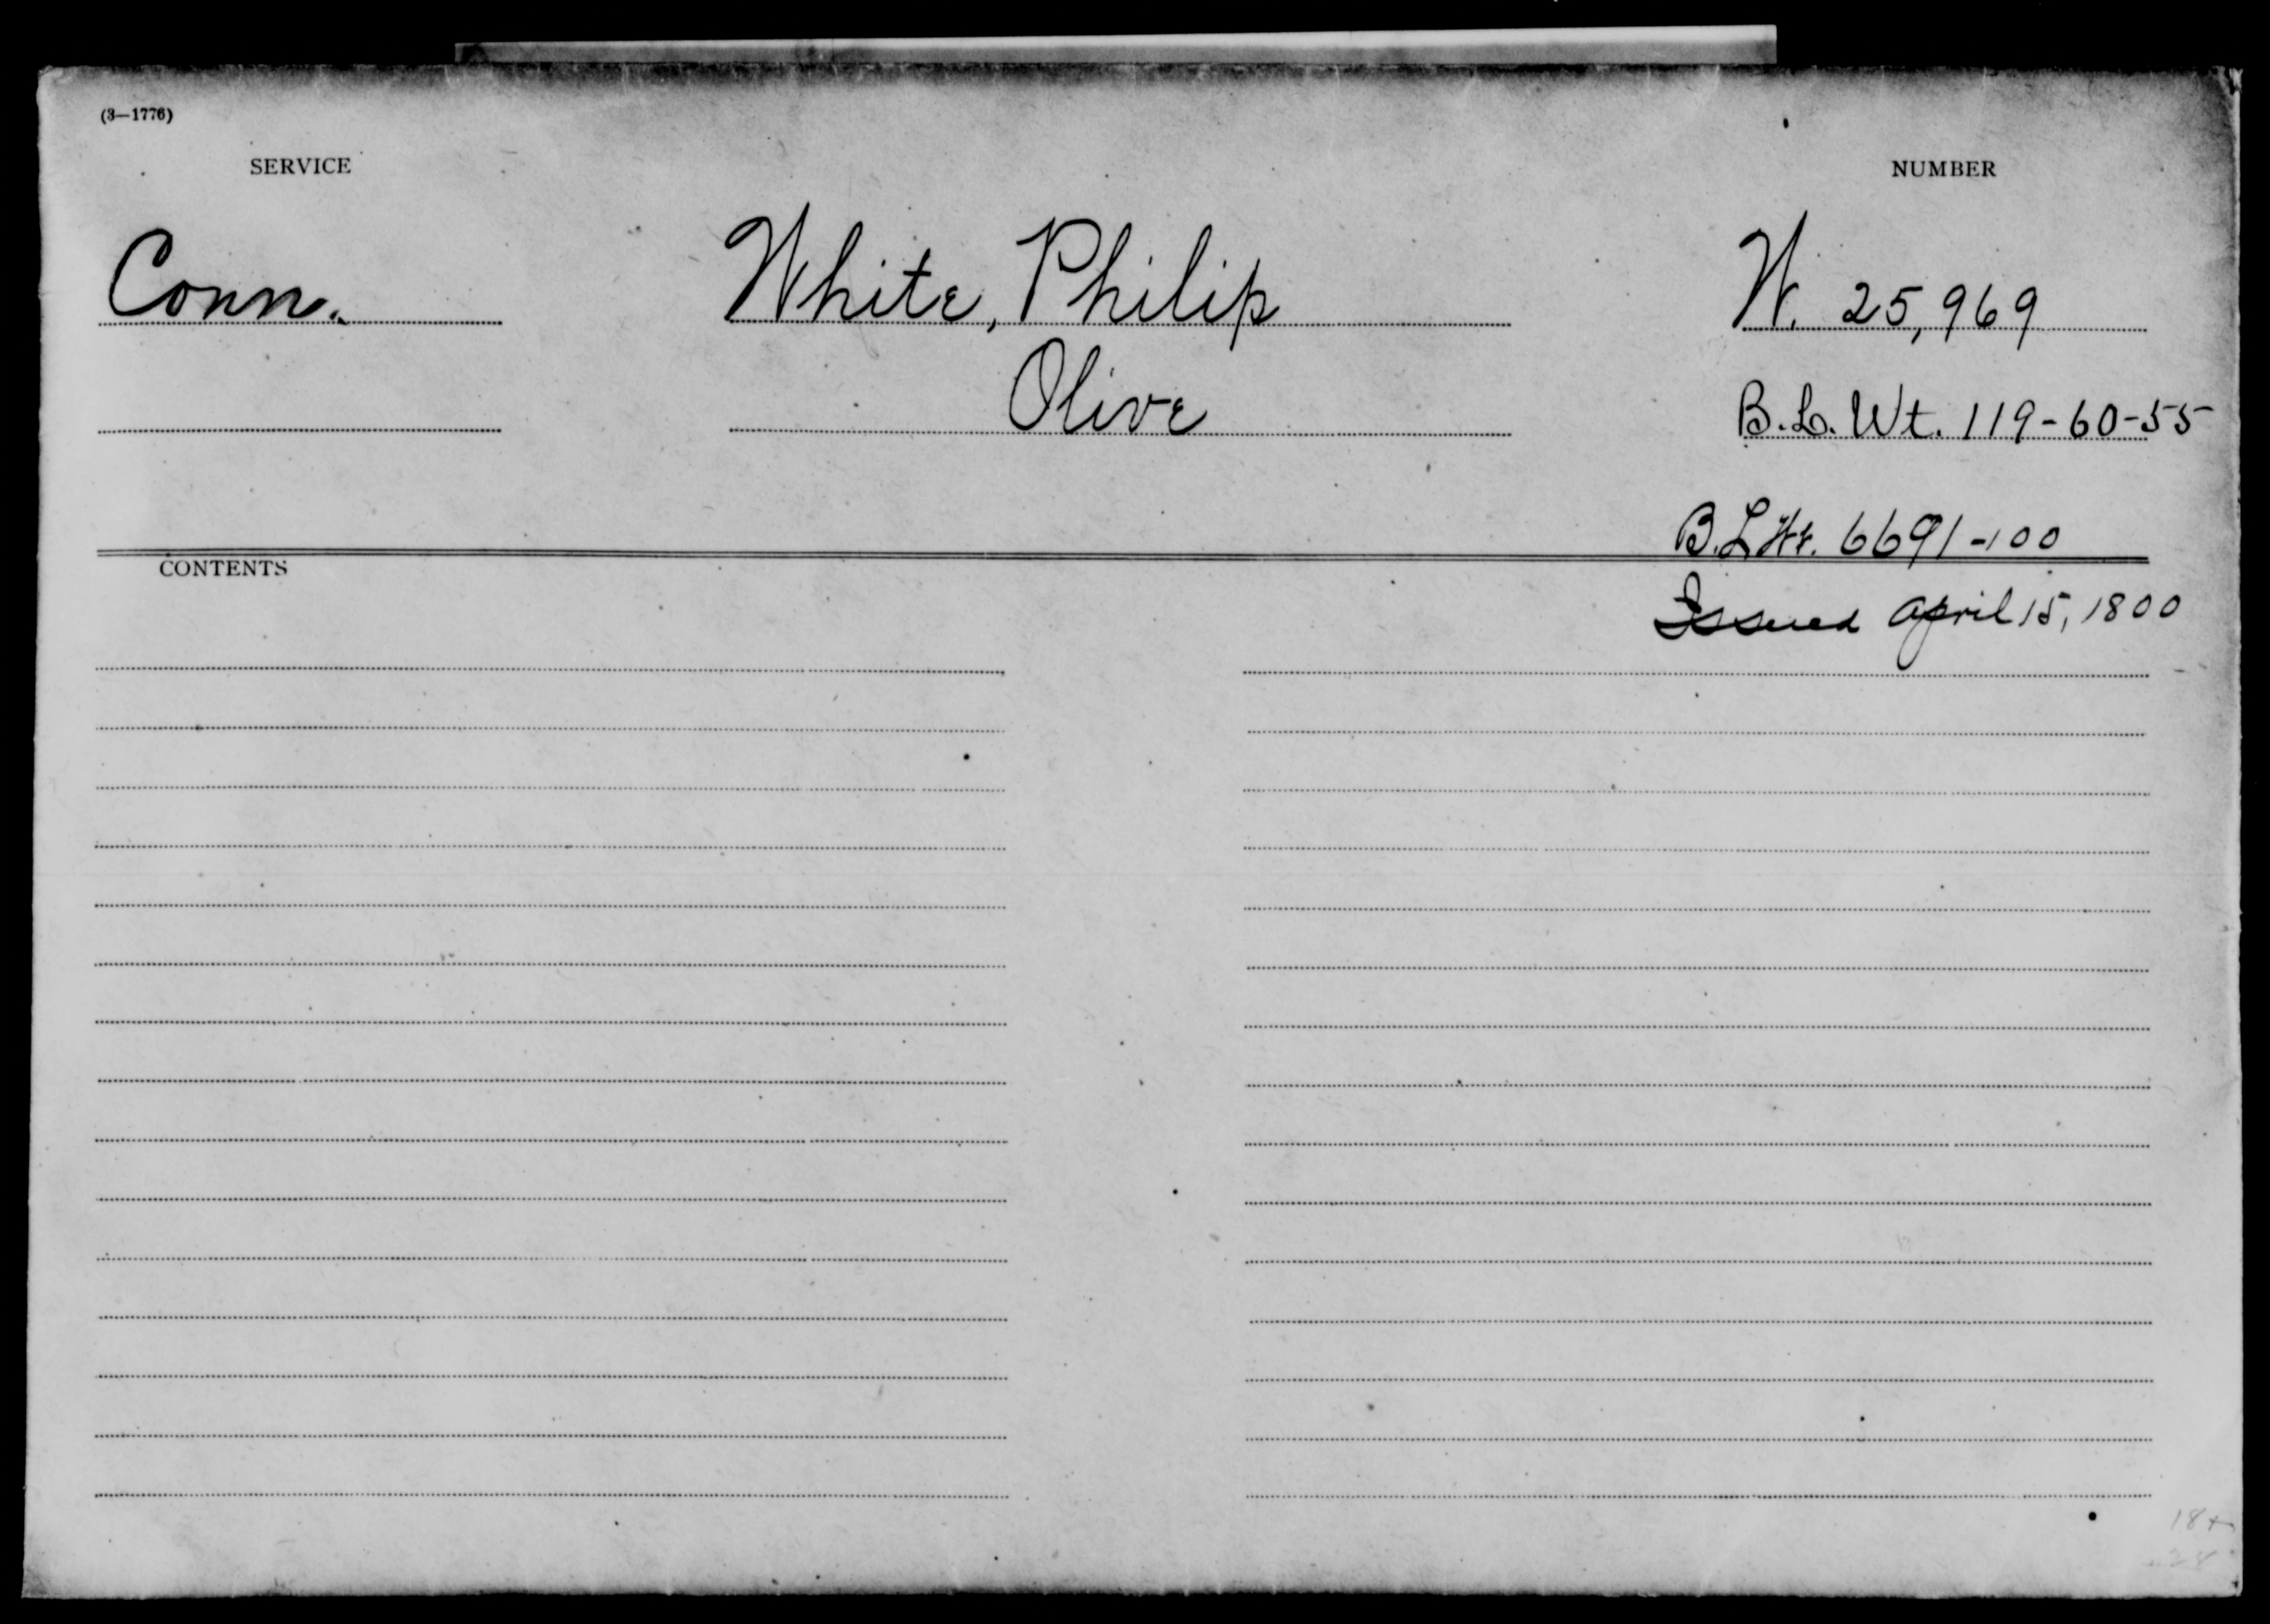SERVICE
Conn.

White, Philip
Olive

NUMBER
W. 25,969
B. L. Wt. 119-5-60-55
B. L. Wt.  6691-100

CONTENTS
Issued April 15, 1800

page: 1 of 50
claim: widow's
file: W. 25,969, Philip White, Conn.